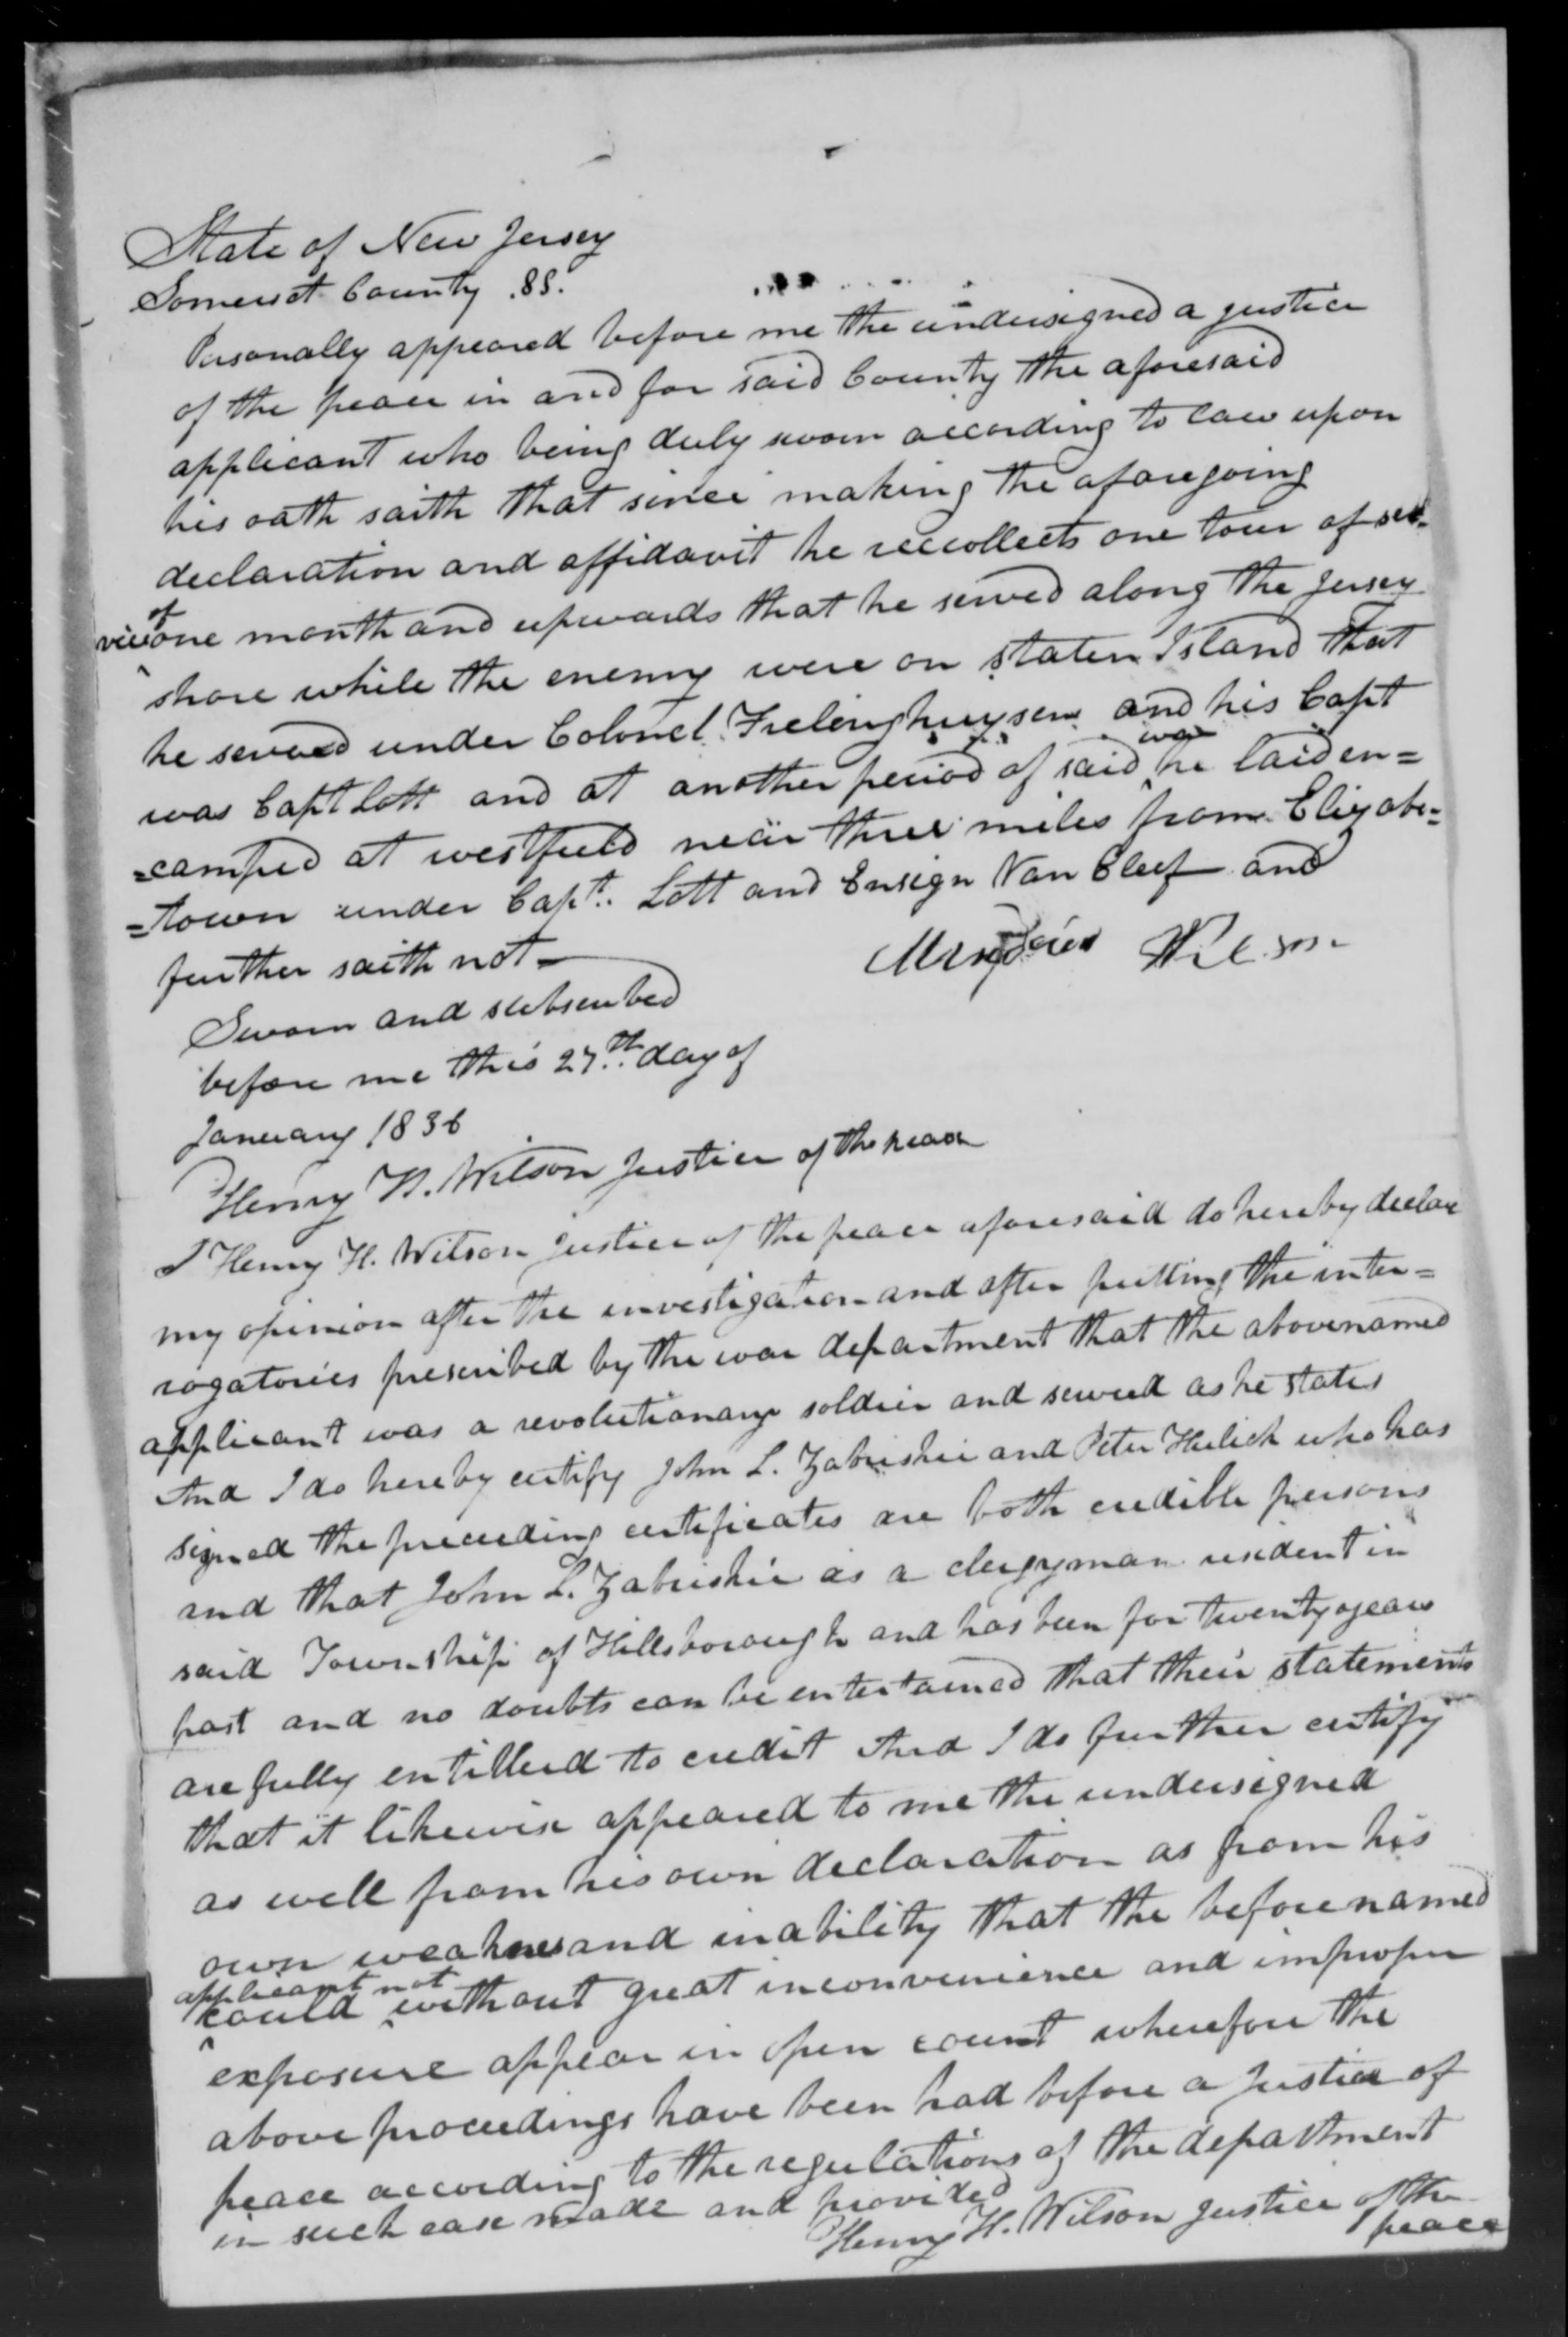State of New Jersey
Somerset County ss.

Personally appeared before me the undersigned a justice of the peace in and for said County the aforesaid applicant who being duly sworn according to law upon his oath saith that since making the aforegoing declaration and affidavit he recollects one tour of service of one month and upwards that he served along the Jersey shore while the enemy were on Staten Island that he served under Colonel Frelinghuysen and his Capt was Capt Lott and at another period of said war he laid encamped at Westfield near three miles from Elizabethtown under Capt Lott and Ensign Van Clief and further saith not.

[signed] Mindart Wilson

Sworn and subscribed before me this 27th day of January 1836
Henry M. Wilson Justice of the peace

I Henry H. Wilson justice of the peace aforesaid do hereby declare my opinion after the investigation and after putting the interrogatories prescribed by the war department that the above named applicant was a revolutionary soldier and served as he states And I do hereby certify John L. Zabriskie and Peter Hulick who has signed the preceeding certificates are both credible persons and that John L. Zabriskie is a clergyman resident in said Township of Hillsborough and has been for twenty years past and no doubts can be entertained that their statements are fully entitled to credit And I do further certify that it likewise appeared to me the undersigned as well from his own declaration as from his own weakness and inability that the before named applicant could not without great inconvenience and improper exposure appear in open court wherefore the above proceedings have been had before a Justice of peace according to the regulations of the department in such case made and provided

Henry H. Wilson Justice of the peace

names: Peter Hulick, Frelinghuysen, John L Zabriskie, Henry H Wilson, Mindart Wilson, Lott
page: 12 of 40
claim: survivor's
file: S. 3564, Mindart Wilson, New Jersey